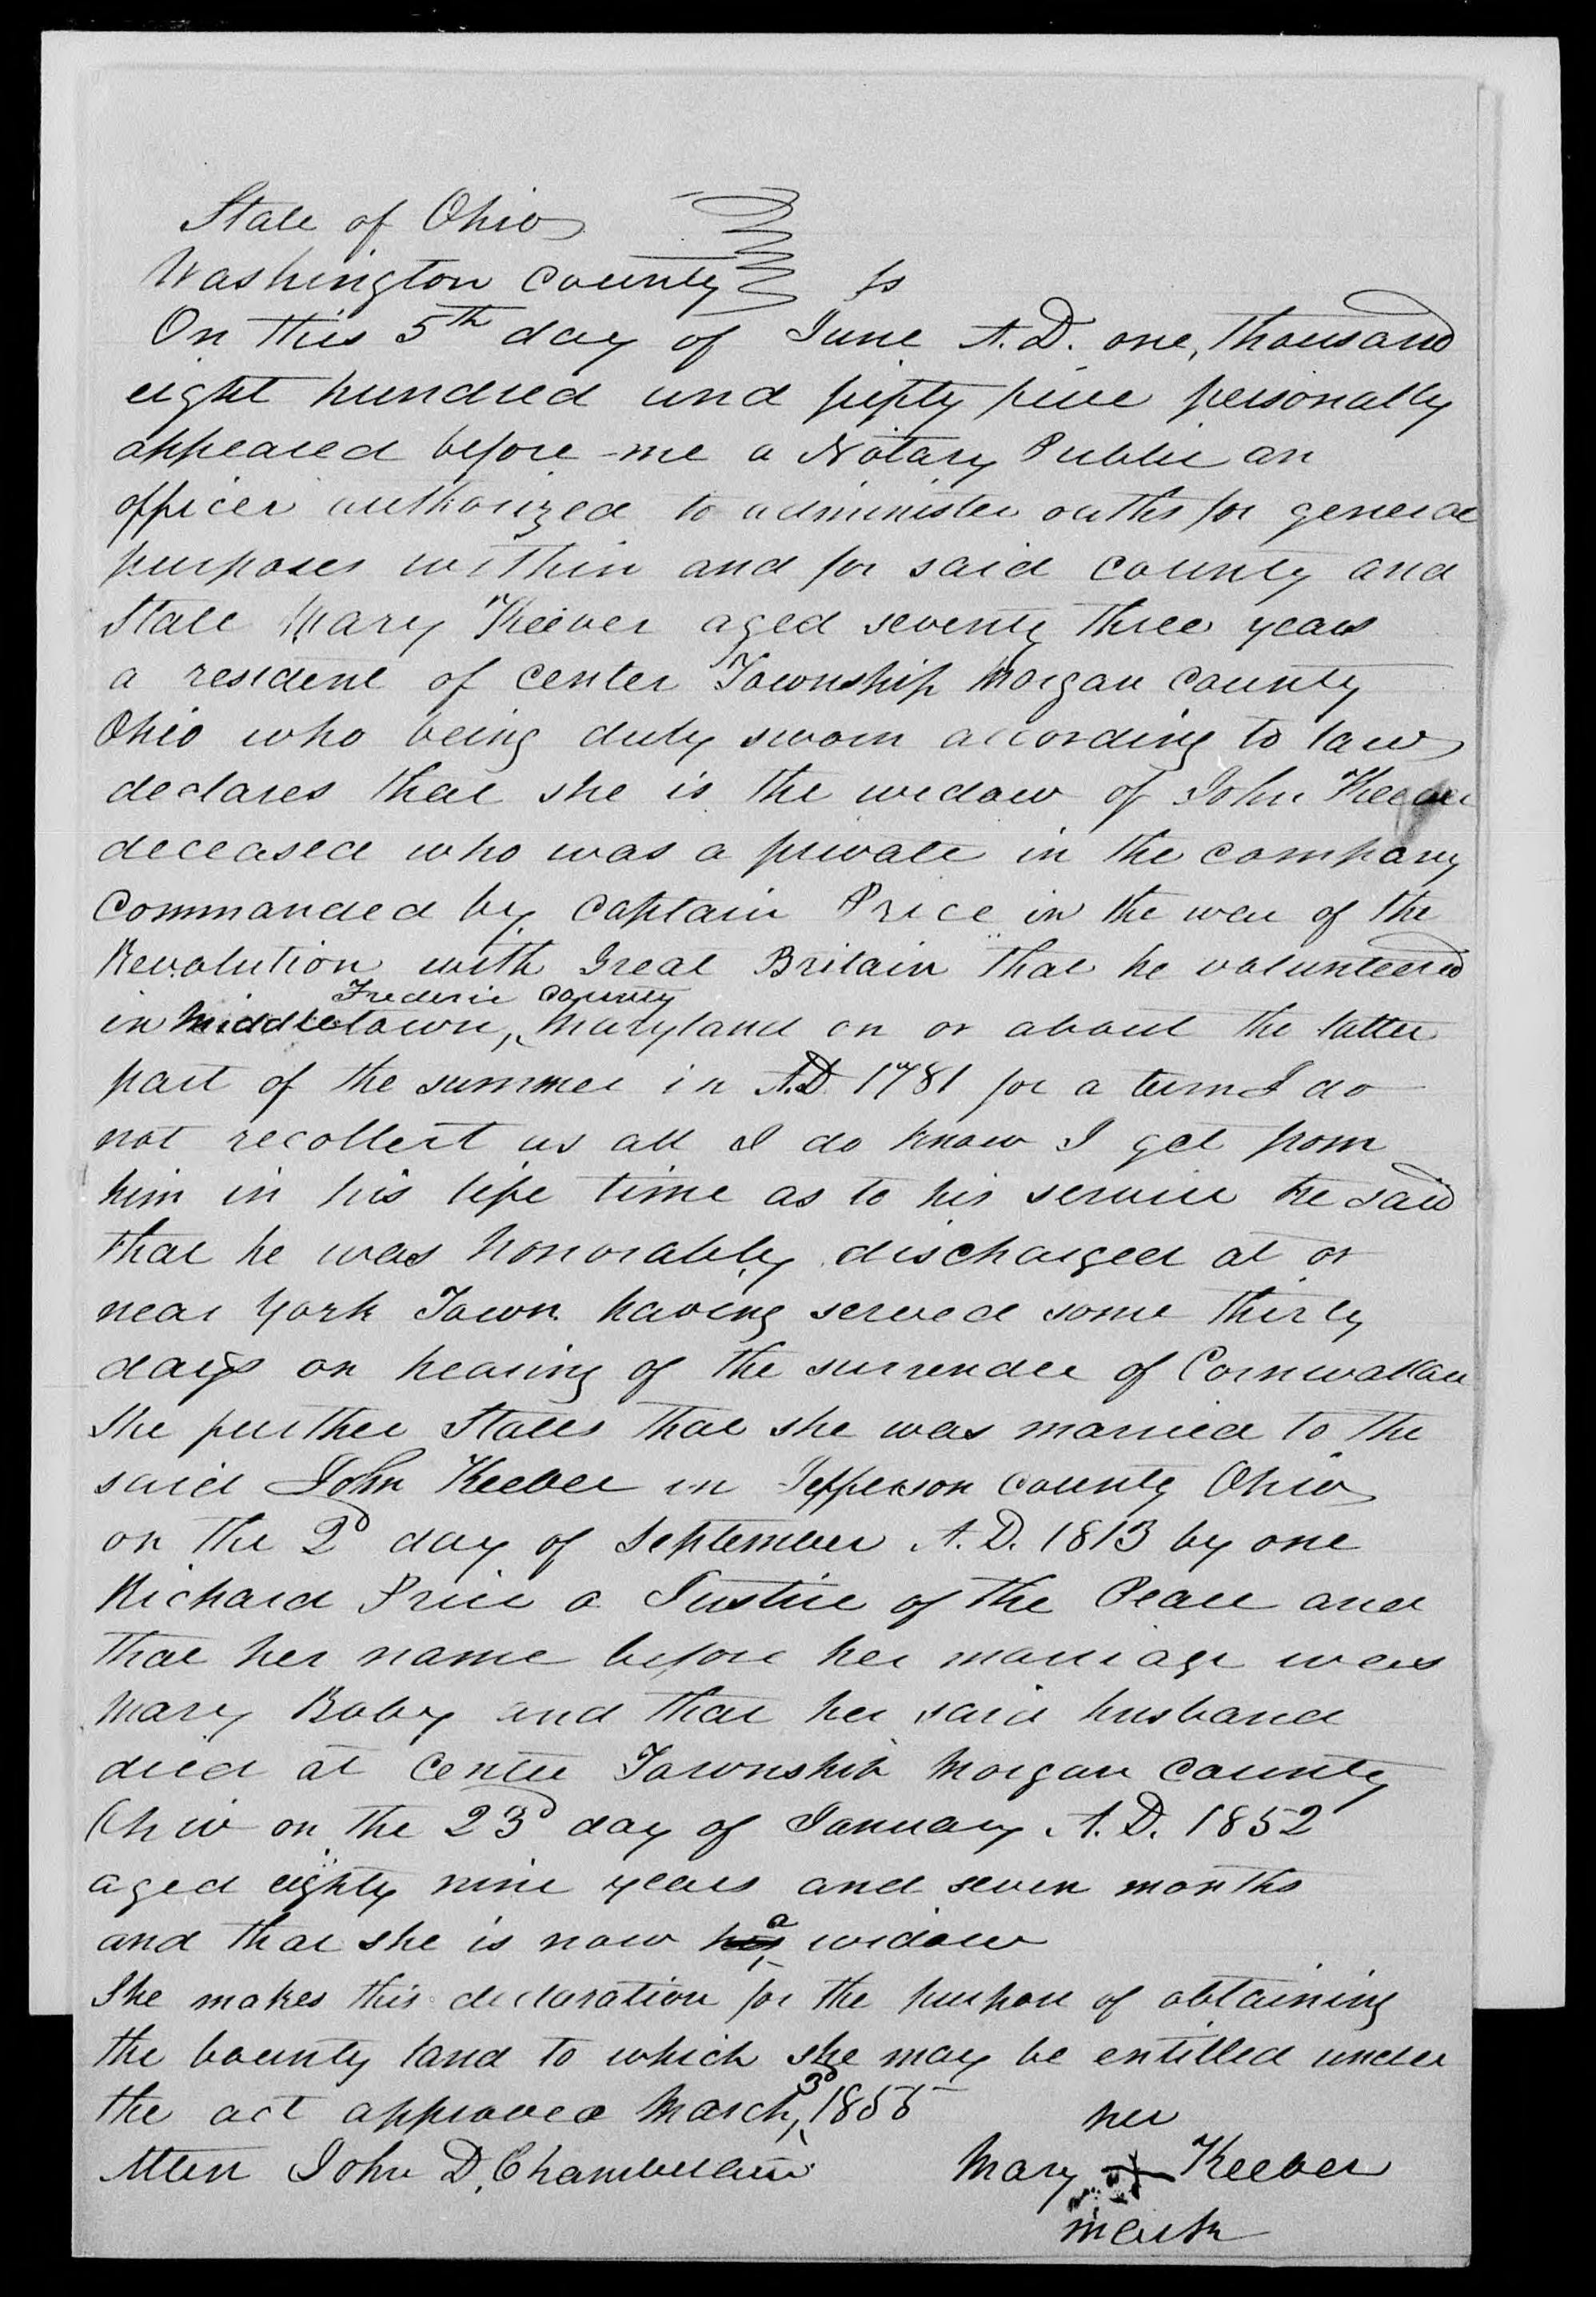State of Ohio 
Washington County ⎬ ss
On this 5th day of June A.D. one thousand 
eight hundred and fifty five personally 
appeared before me a Notary Public an
officer authorized to administer oaths for general 
purposes within and for said County and 
State Mary Keever aged seventy three years 
a resident of Center Township Morgan County 
Ohio who being duly sworn according to law, 
declares that she is the widow of John Keever
deceased who was a private in the company 
commanded by Captain Price in the war of the 
Revolution with Great Britain that he volunteered
in Middletown, Frederick County Maryland on or about the latter 
part of the summer in A.D. 1781 for a term I do 
not recollect as all I do know I got from 
him in his lifetime as to his service he said 
that he was honorably discharged at or 
near York Town having served some thirty 
days on hearing of the surrender of Cornwallace [Cornwallis]
She further States that she was married to the said John Keever in Jefferson County Ohio 
on the 2d day of September A.D. 1813 by one 
Richard Price a Justice of the Peace and 
that her name before her marriage was Mary Boby [Roby] and that her said husband 
died at Centre Township Morgan County 
on the 23d day of January A.D. 1852 
aged eighty nine years and seven months 
and that she is now a widow 
She makes this declaration for the purpose of 
obtaining 
the bounty land to which she may be entitled under 
the act approved March 3rd 1855 
Attest John D. Chamberlin 
Mary Keever her [handwritten] + mark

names: John Keever; Richard Price; Mary Raby; Mary Keever; John D Chamberlain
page: 5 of 33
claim: rejected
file: R. 5814, for John Keever, Maryland